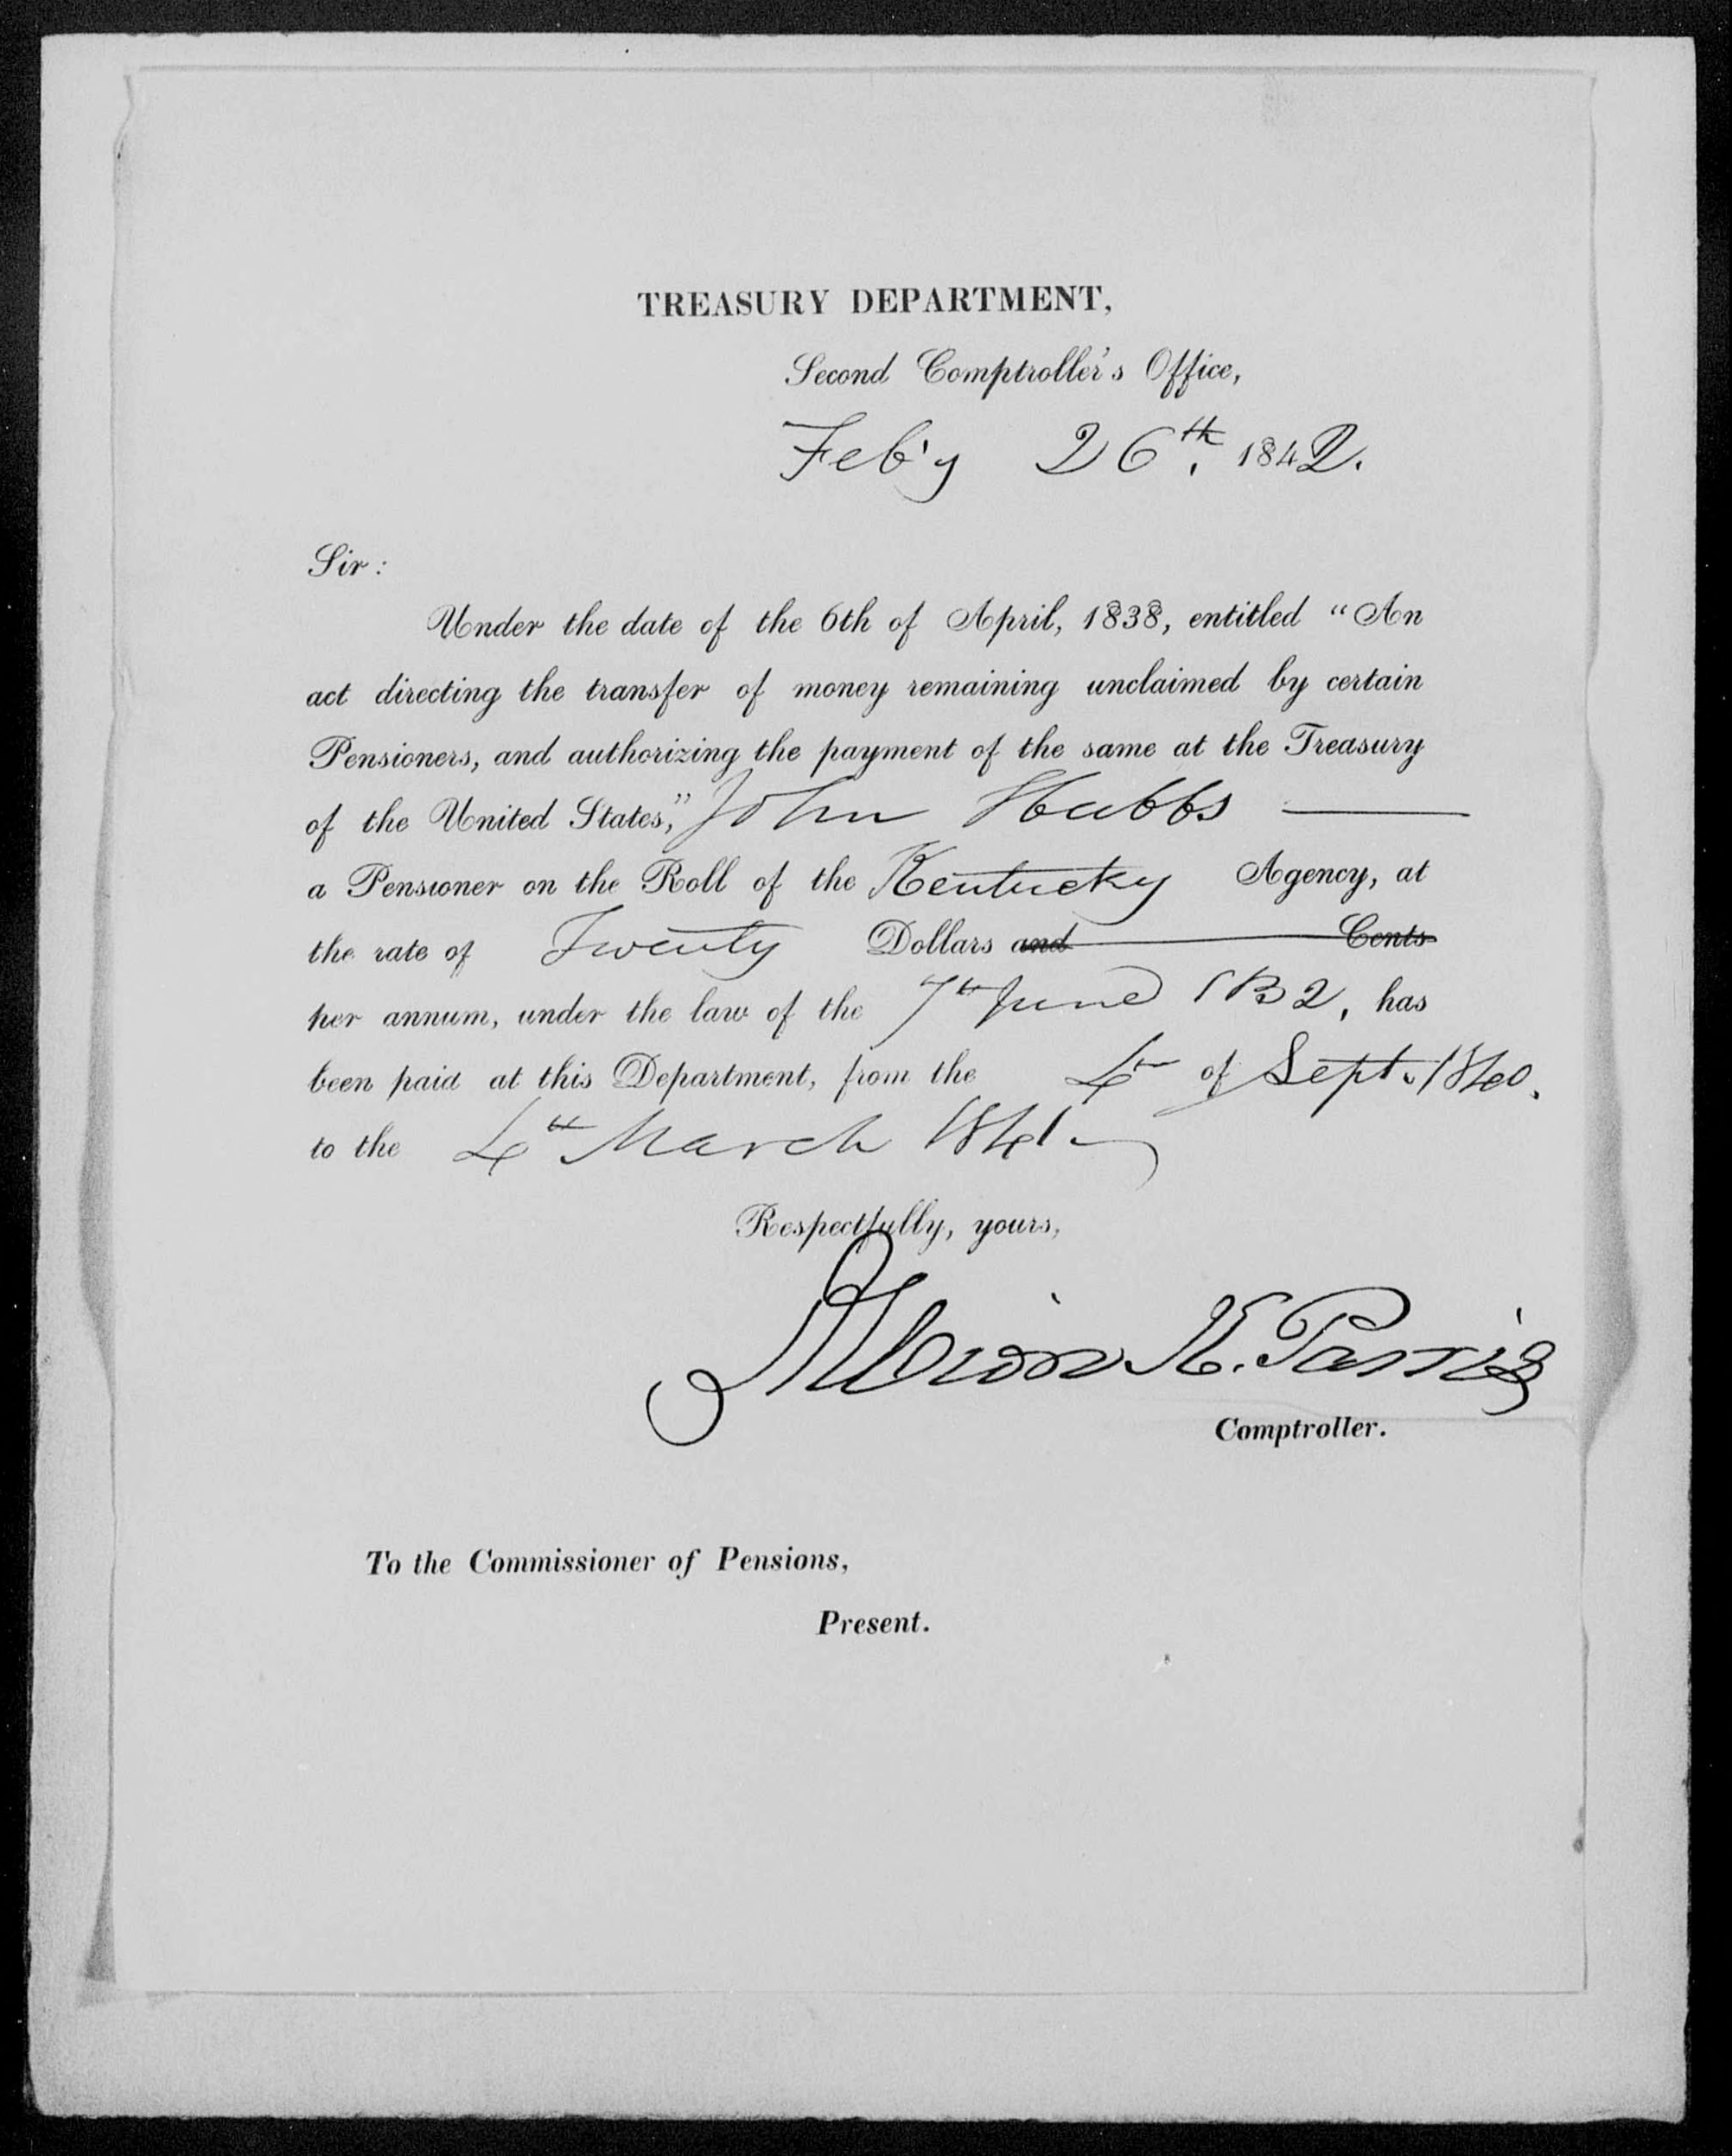TREASURY DEPARTMENT
Second Comptroller's Office,
Feby 26th, 18442
Sir:
Under the date of the 6th of April, 1838, entitled "An 
act directing the transfer of money remaining unclaimed by certain Pensioners, and authorizing the payment of the same at the Treasury of the United  States," , John Hubbs
aPensioner on the Roll of the Kentucky Agency, at 
the rate of Twenty Dollars
per annum, under the law of the 7th June 1832, has
been paid at this Department, from the 4th of Sept, 1840 
to the 4th March. 1841.

Respectfully yours,
Albion K Parris [signature]
Comptroller.

To the Commissioner of Pensions,
Present.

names: Albion K Parris, John Hubbs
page: 37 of 86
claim: widow's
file: W. 1035, John Hubbs, S.C.